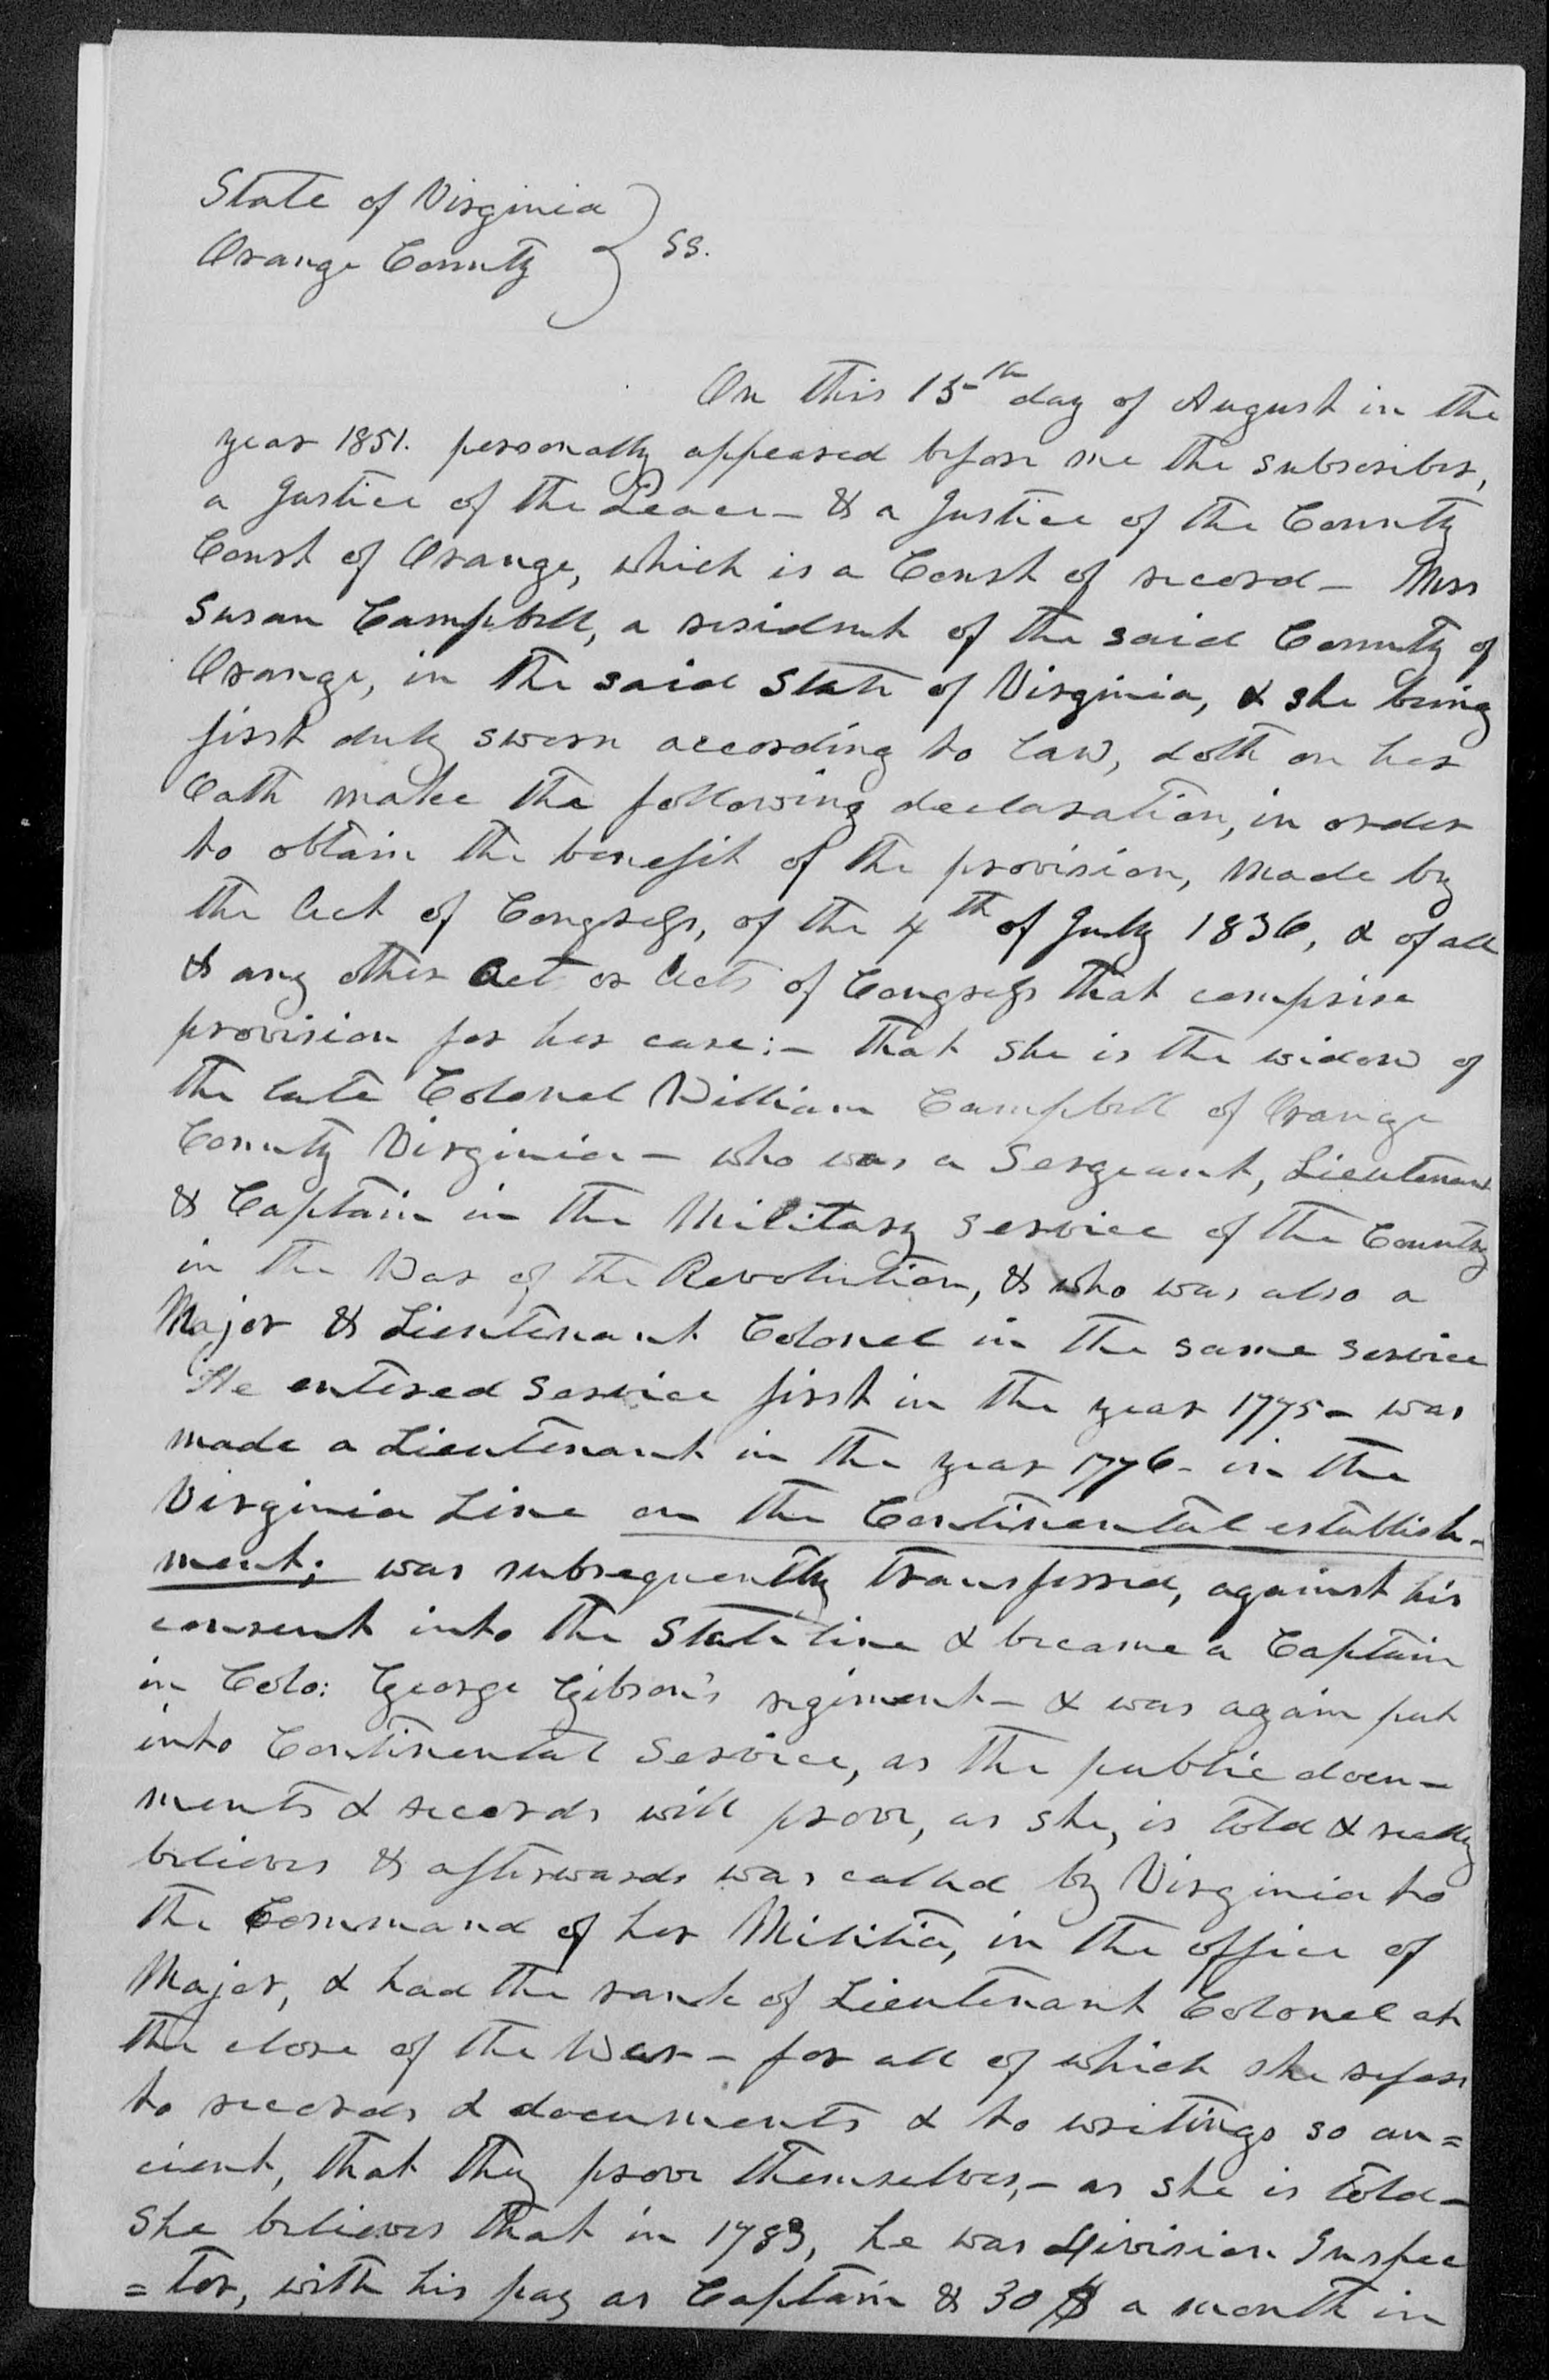State of Virginia
Orange County.     SS.

On this 15th day of August in the year 1851. personally appeared before me the subscriber, a Justice of the Peace &[and] a Justice of the County Court of Orange, which is a Court of record __ Mrs Susan Campbell, a resident of the said County of Orange, in the said State of Virginia, +[and] she being first duly sworn according to law, doth on her oath make the following declaration, in order to obtain the benefit of the provision, made by the Act of Congress, of the 4th of July 1836, +[and] of all +[and] any other Acts of Congress that comprise provision for her case; __ that she is the widow of the late Colonel William Campbell of Orange County Virginia __ who was a Sargeant, Lieutenant &[and] Captain in the Military service of the Country in the War of the Revolution, &[and] who was also a Major &[and] Lieutenant Colonel in the same service. He entered service first in the year 1775 _ was made a Lieutenant in the year 1776. in the Virginia Line [begin underline] on the Continental establishment [end underline]; was subsequently transferred, against his consent into the State line &[and] became a Captain in Colo. George Gibson's regiment __ +[and] was again put into Continental Service, as the public documents +[and] records will prove, as she, is told +[and] really believes  &[and] afterwards was called by Virginia to the command of her Militia, in the office of Major, +[and] had the rank of Lieutenant Colonel at the close of the War -- for all of which she refers to records +[and] documents +[and] the writings so ancient, that they prove themselves, __ as she is told __  she believes that in 1783, he was Division Inspector with his pay as Captain &[and] 30$ a month in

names: William Campbell, Susan Campbell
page: 116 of 267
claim: widow's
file: W. 4,149, William Campbell, Va.